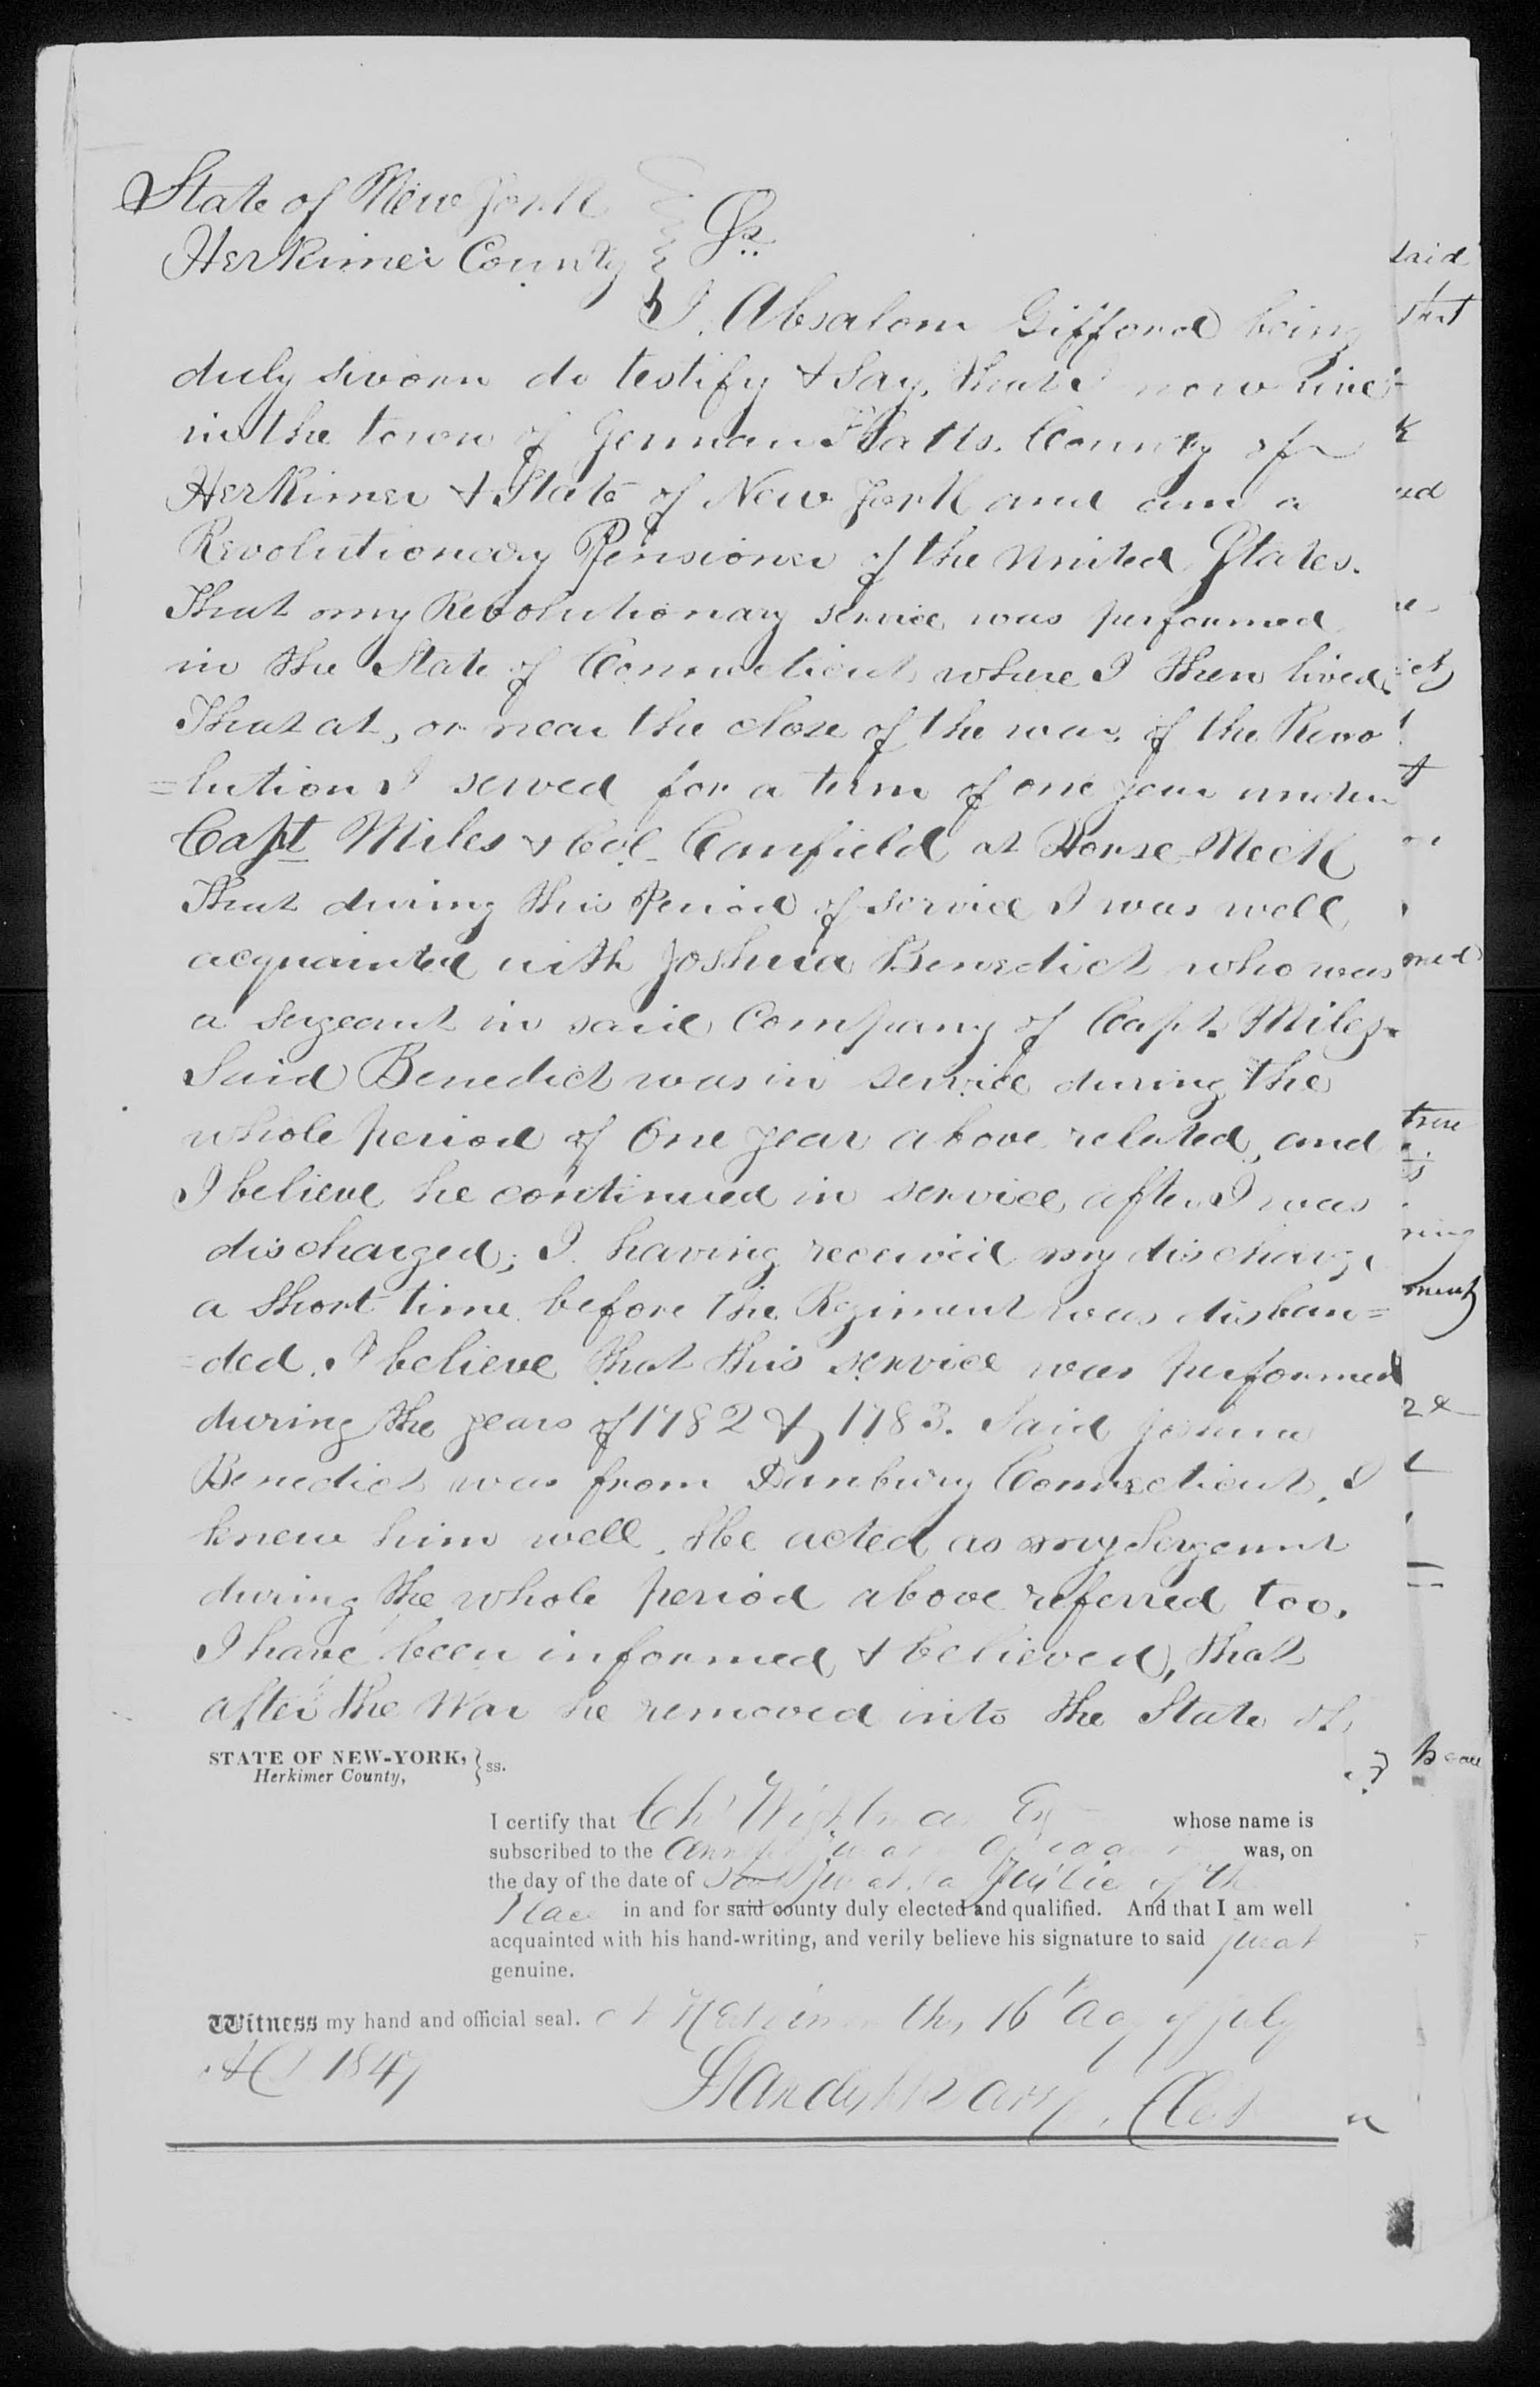State of New York
Herkimer County } Ss
I Absalom Gifford being duly sworn do testify & say, That I now live in the town of German Flatts, County of Herkimer & State of New York and am a Revolutionary Pensioner of the United States. That my Revolutionary service was performed in the State of Connecticut where I then lived. That at, or near the close of the war of the Revolution I served for a term of one year under Capt. Miles & Col. Canfield at Horse Neck That during this Period of service I was well acquainted with Joshua Benedict who was a Sergeant in said Company of Capt. Miles. Said Benedict was in service during the whole period of One year above related, and I believe he continued in service after I was discharged; I having received my discharge a short time before the Regiment was disbanded I believe that this service was performed during the year of 1782 & 1783. Said Joshua Benedict was from Danbury Connecticut, I knew him well, He acted as my Sergeant during the whole period above referred too [to]. I have been informed & believed, that after the War he removed into the State of [text covered by overlying paper]

[overlying paper] STATE OF NEW-YORK,
Herkimer County, } ss.

I certify that Chs Wightman Esq- whose name is subscribed to the annexed jurat [illegible] was, on the day of the date of said jurat a Justice of the Peace in and for said county duly elected and qualified. And that I am well acquainted with his hand-writing, and verily believe his signature to said jurat genuine.

Witness my hand and official seal. [illegible] Herkimer this 16th day of July AD 1847
[illegible] Clerk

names: Canfield, Miles, Miles, Joshua Benedict, Absalom Gifford, Joshua Benedict, Benedict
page: 53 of 106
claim: survivor's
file: S 23,116., Joshua Benedict, Conn.